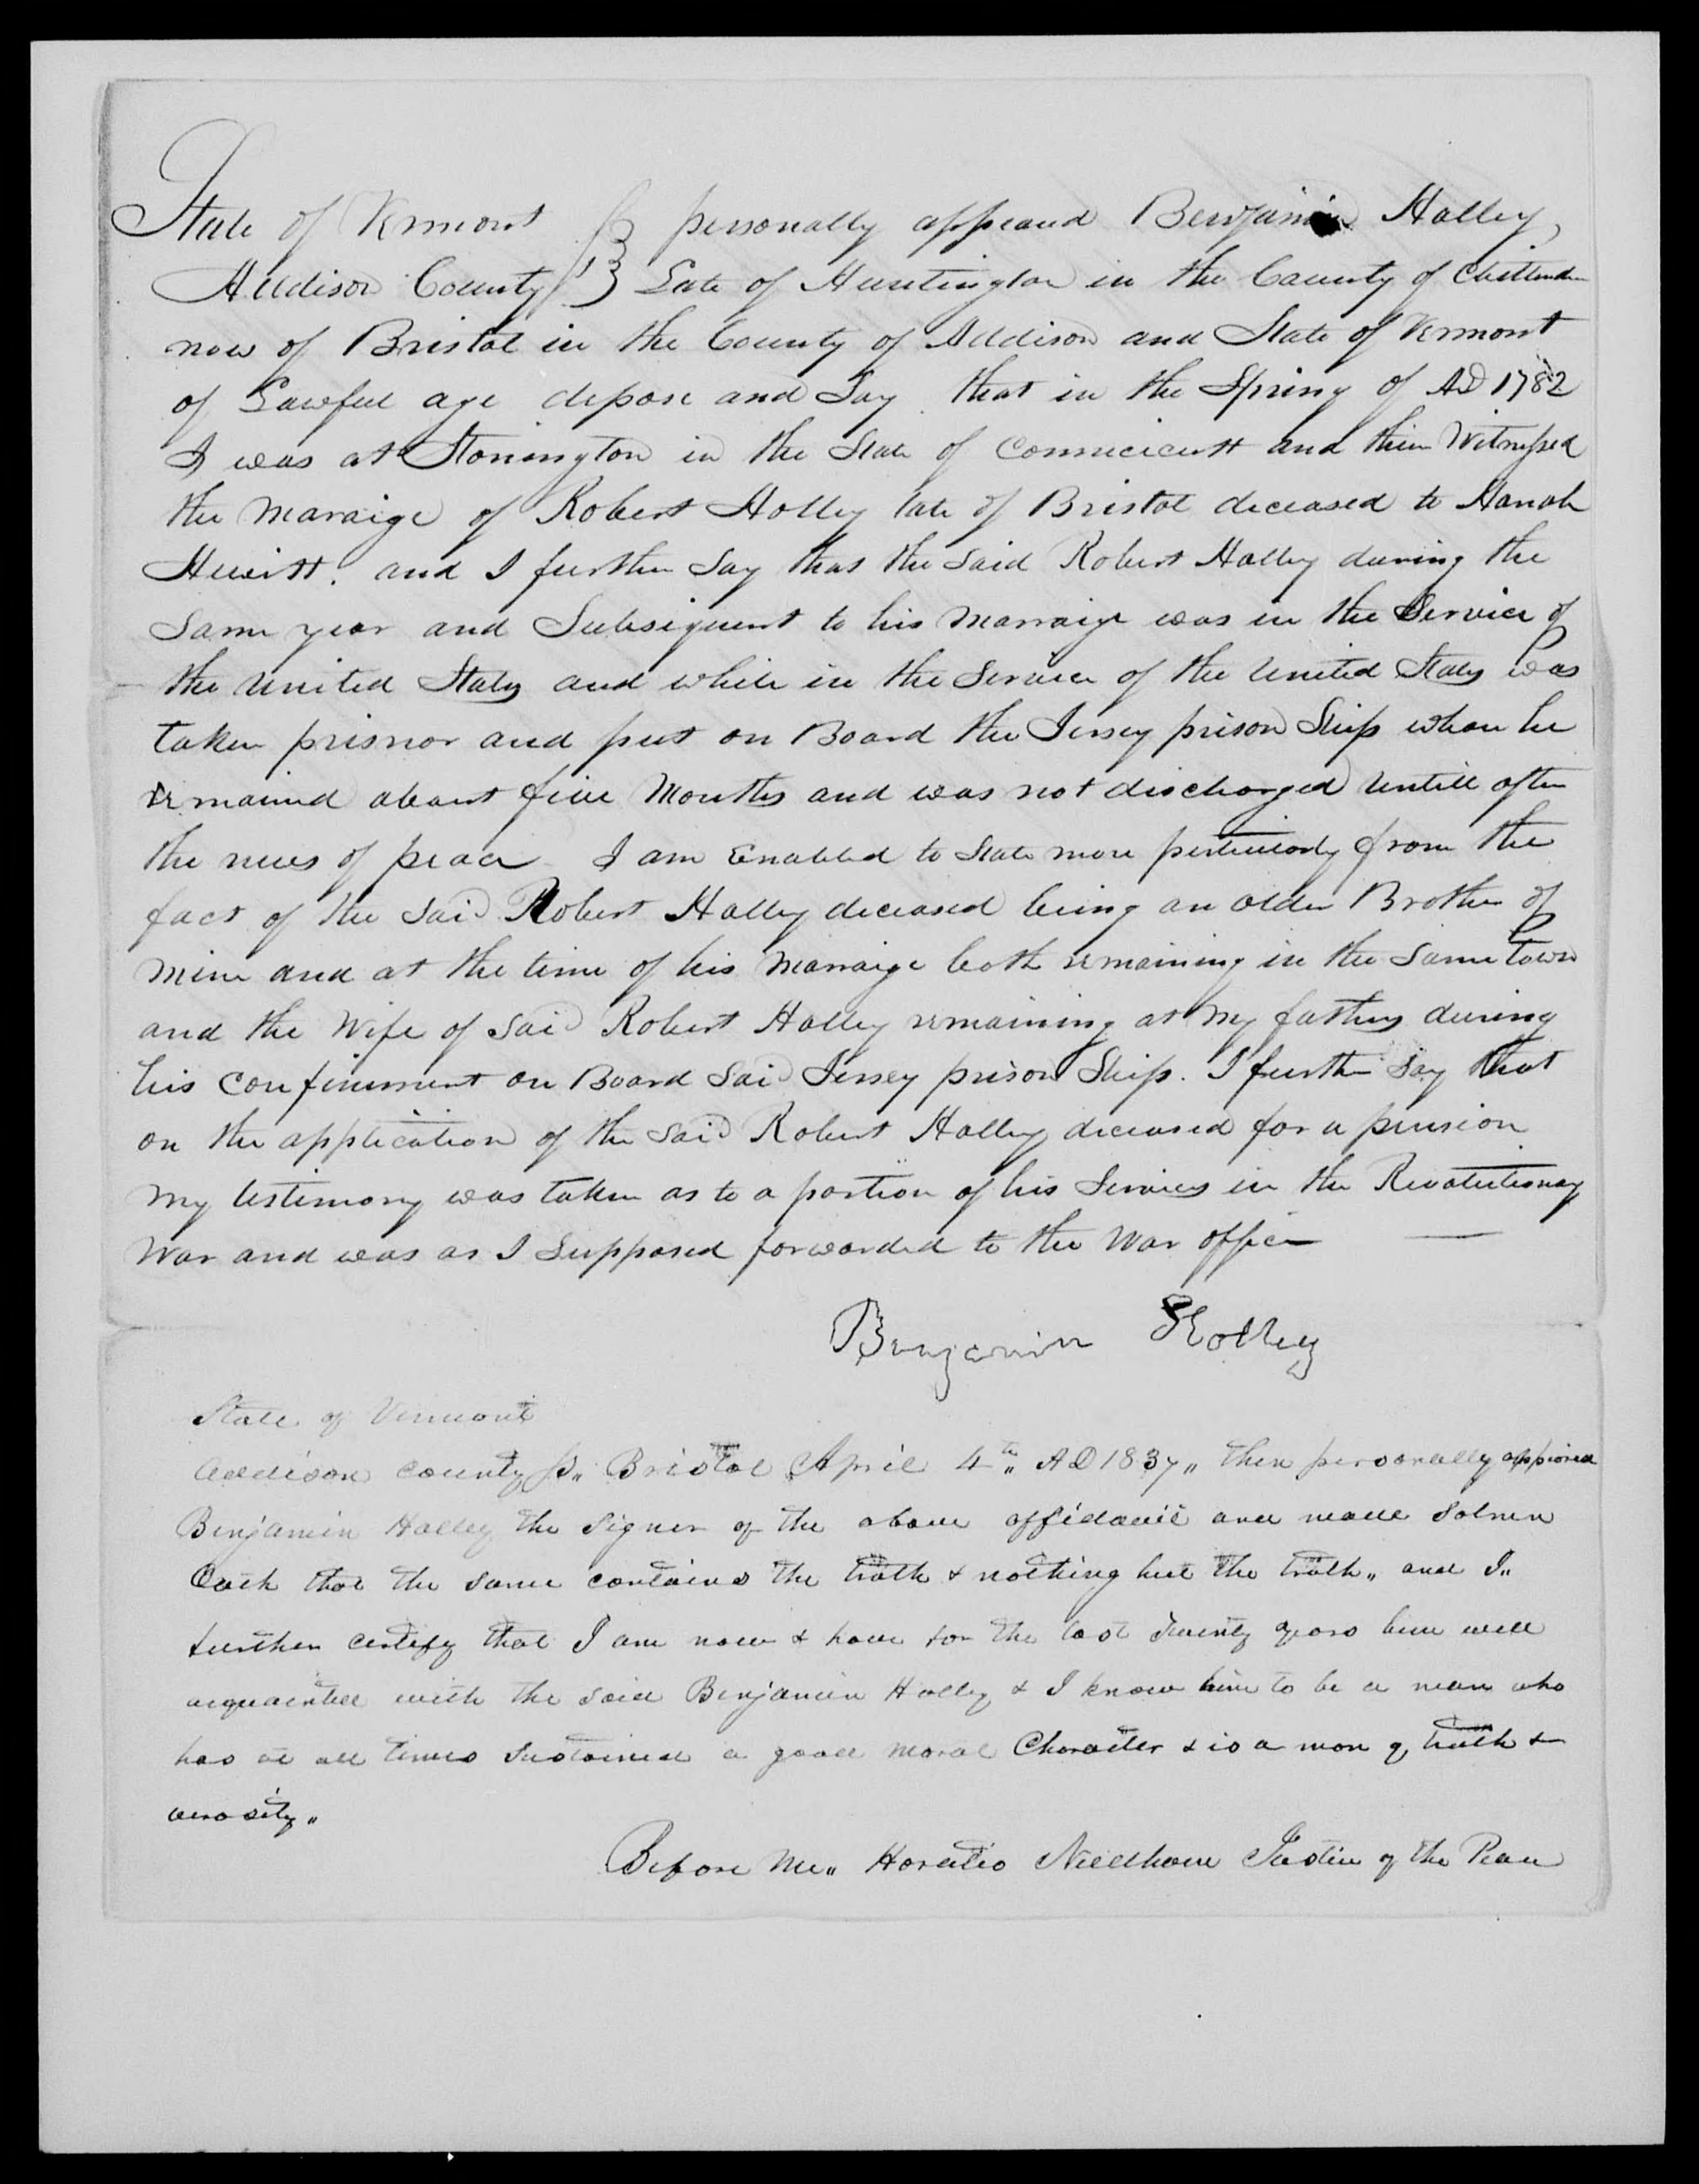State of Vermont
Addison County 
personally appeared Benjamin Holley
Late of Huntington in the County of Chittenden
now of Bristol in the County of Addison and State of Vermont
of Lawful age depose and say that in the Spring of AD 1782
I was at Stonington in the State of Connecticut and there witnessed
the marriage of Robert Holley late of Bristol deceased to Hannah
Hewitt.  and I further say that the said Robert Holley during the
same year and subsequent to his marriage was in the service of
the United States and while in the service of the United States was
taken prison and put on board the Jersey prison ship where he
remained about five months and was not discharged untill after
the news of peace. I am enabled to State more particularly from the
fact of the said Robert Holley deceased being an older Brother of
mine and at the time of his marriage both remaining in the same town
and the wife of said Robert Holley remaining at my fathers during
his confinement on Board said Jersey prison ship. I further say that
on the application of the said Robert Halley deceased for a pension
my testimony was taken as to a portion of his services in the Revolutionary War
and was as I supposed forwarded to the war office
Benjamin Holley

State of Vermont
Addison County Ss Bristol April 4th AD 1837. Then personally appeared
Benjamin Holley the Signer of the above affidavit and made Solemn
Oath that the same contains the truth & nothing but the truth, and I
further certify that I am now & have for the last Twenty years been well
acquainted with the said Benjamin Holley & I know him to be a man who
has at all times sustained a good moral character & is a man of truth &
veracity
Before Me, Horatio Needham Justice of the Peace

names: Robert Halley, Robert Holley, Benjamin Halley, Horatio Needham, Robert Halley, Robert Halley, Benjamin Halley, Robert Halley, Benjamin Holley, Benjamin Holley, Hanah Hewitt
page: 37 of 62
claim: widow's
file: W. 21391, Robert Holley, Conn.